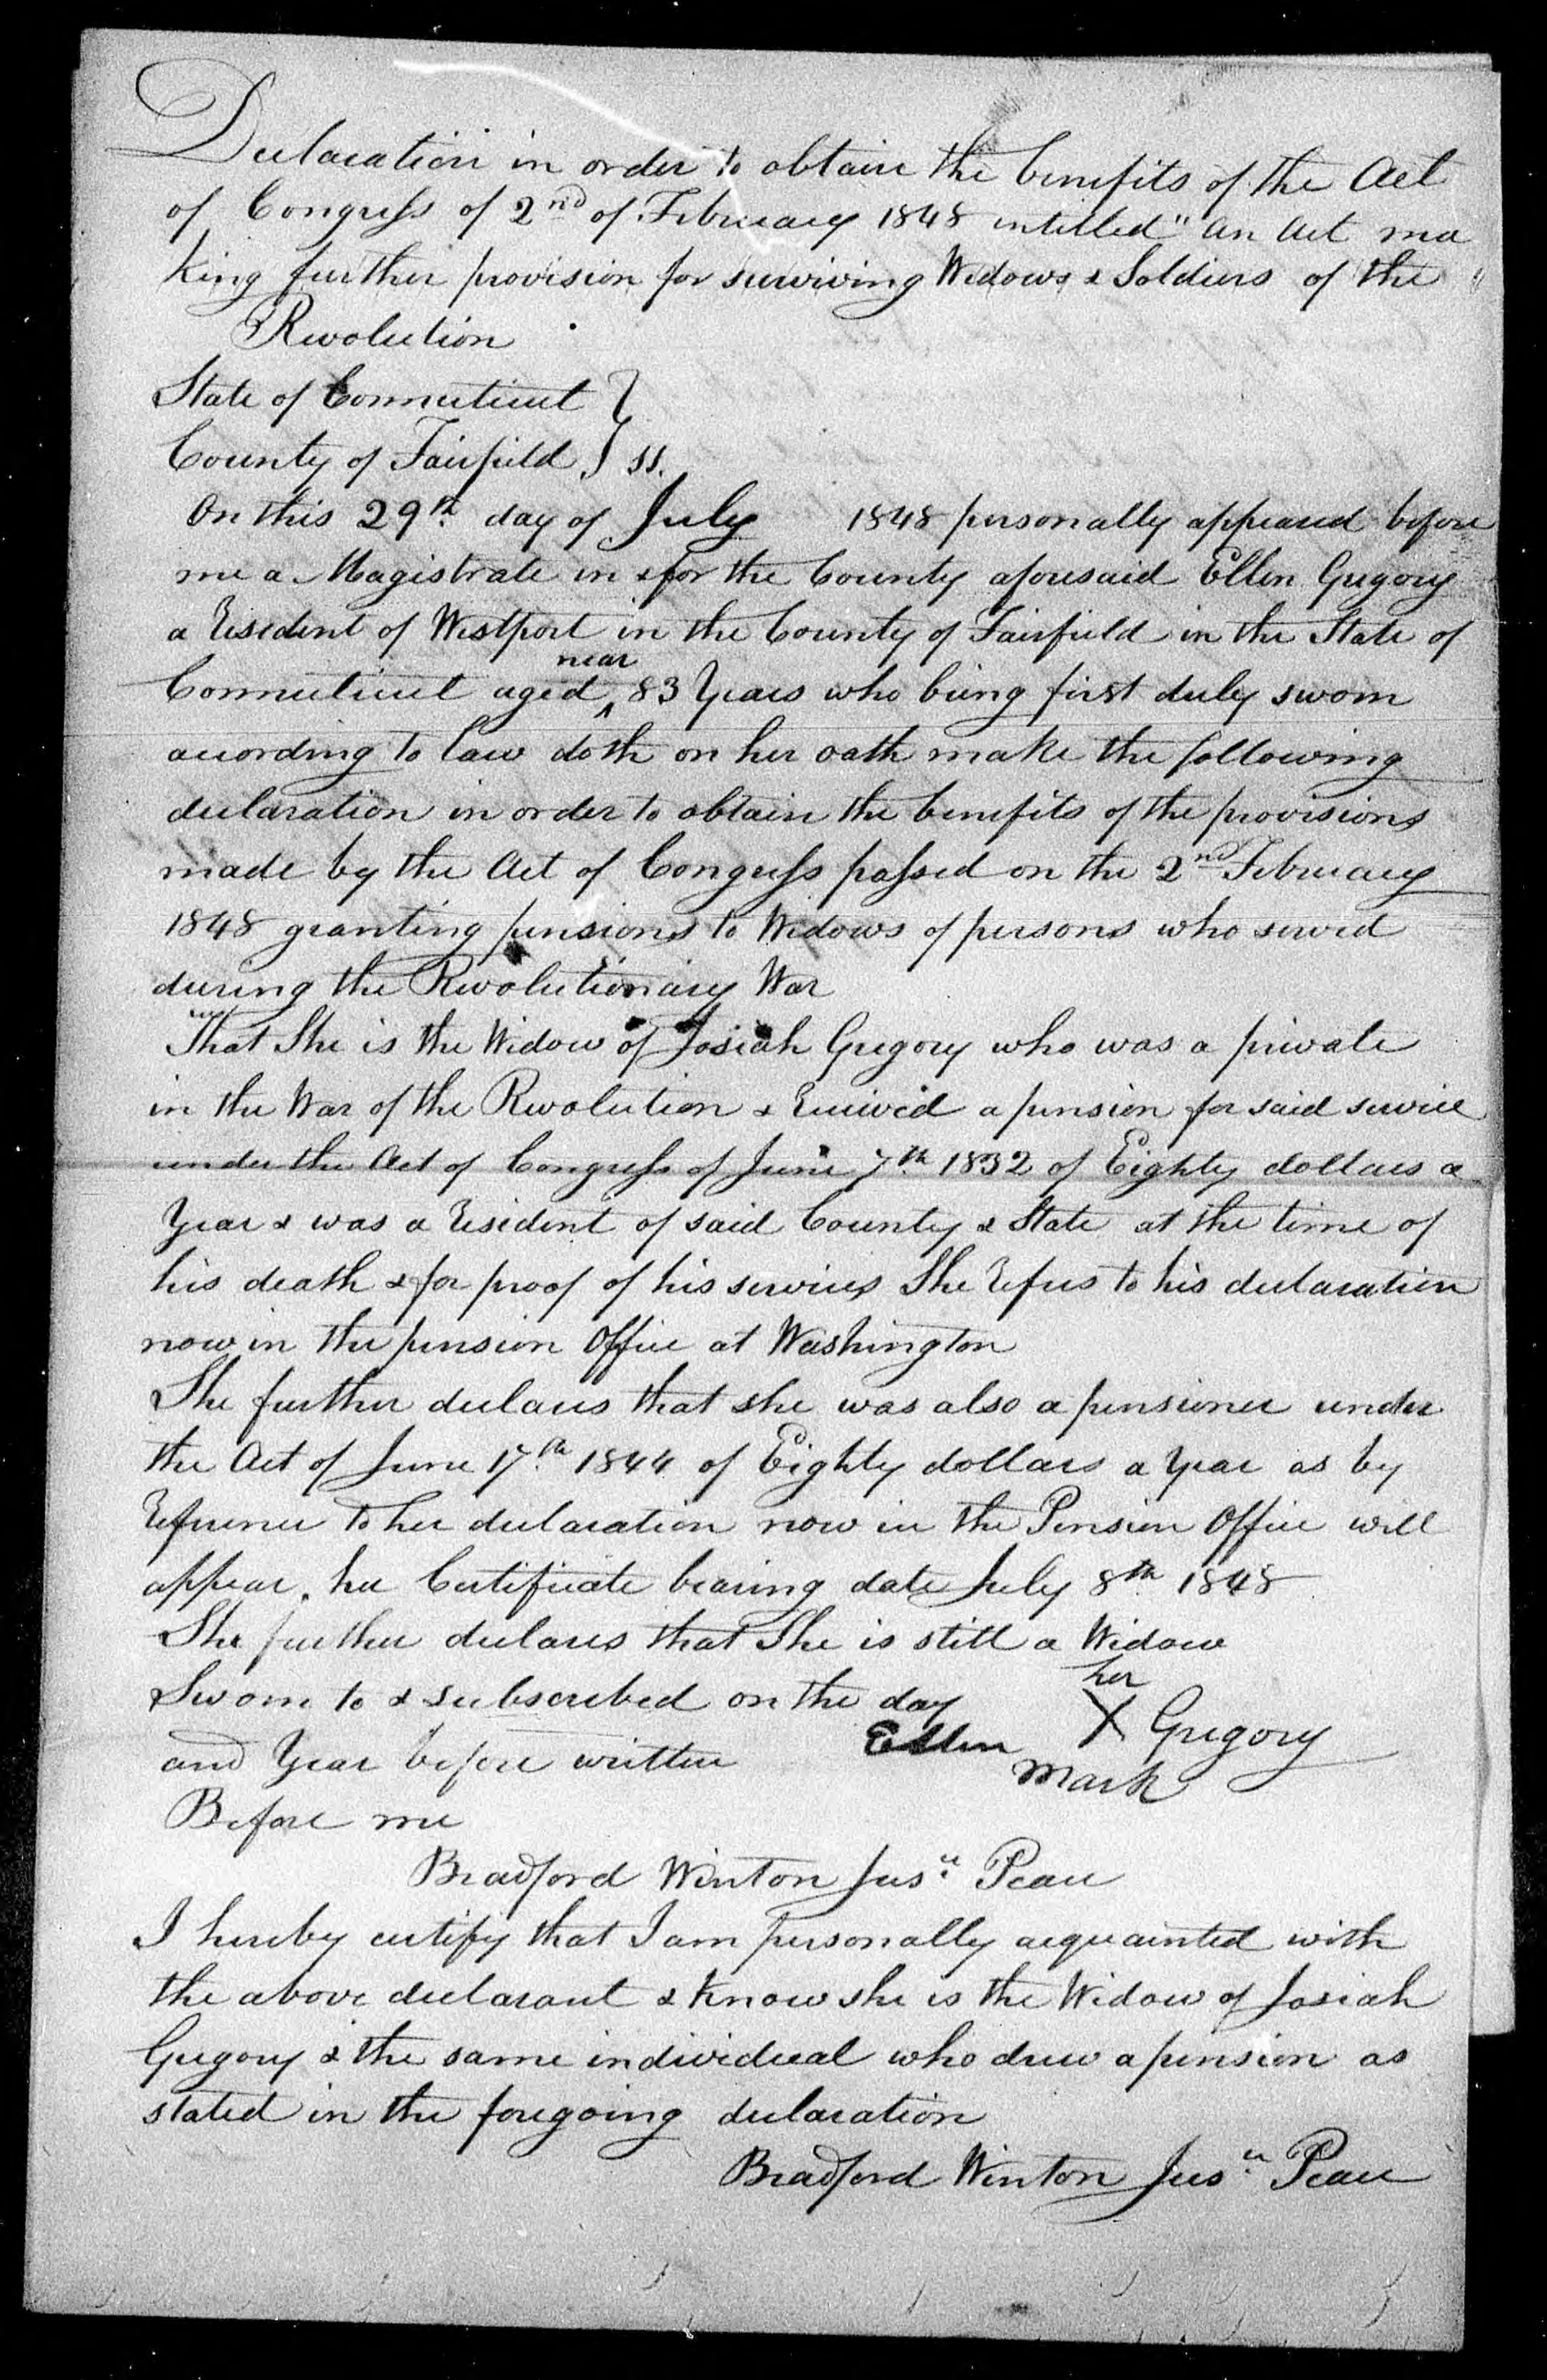Declaration in order to obtain the benefits of the Act of Congress of 2nd of February 1848 entitles "An Act making further provision for surviving Widows & Soldiers of the Revolution
State of Connecticut
County of Fairfield} SS
On this 29th day of July 1848 personally appeared before me a Magistrate in & for the County aforesaid Ellen Gregory a resident of Westport in the County of Fairfield in the State of Connecticut aged near  [last word inserted] 83 Years who being first duly sworn according to law doth on her oath make the following declaration in order to obtain the benefits of the provisions made by the Act of Congress passed on the 2nd February 1848 granting pensions to Widows of persons who served during the Revolutionary War
  That She is the Widow of Josiah Gregory who was a private in the War of the Revolution & received a pension for said service under the Act of Congress of June 7th 1832 of Eighty dollars a year was a resident of said County & State at the time of his death & for proof of his services She refers to his declaration now in the pension Office in Washington
   She also declares that she was a pensioner under the Act of June 17 1844 of Eighty dollars a year as by Reference to her declaration now in the Pension Office will appear his certificate bearing date July 8th 1848
  She further declares that She is still a Widow
                 [Signed]              her
                                  Ellen    X    Gregory
                                           mark
Sworn to & subscribed on the day
and Year before written
Before me
           [Signed]  Bradford Winton Jus. Peace
I hereby certify that I am personally acquainted with the above declarant & know she if the Widow of Josiah Gregory & the same individual who drew a pension as stated in the foregoing declaration
    [Signed]  Bradford Winton Jus. Peace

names: Bradford Winton, Josiah Gregory, Ellen Gregory, Josiah Gregory, Bradford Winton, Ellen Gregory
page: 42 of 49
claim: widow's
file: W 24308, Josiah Gregory, Conn.